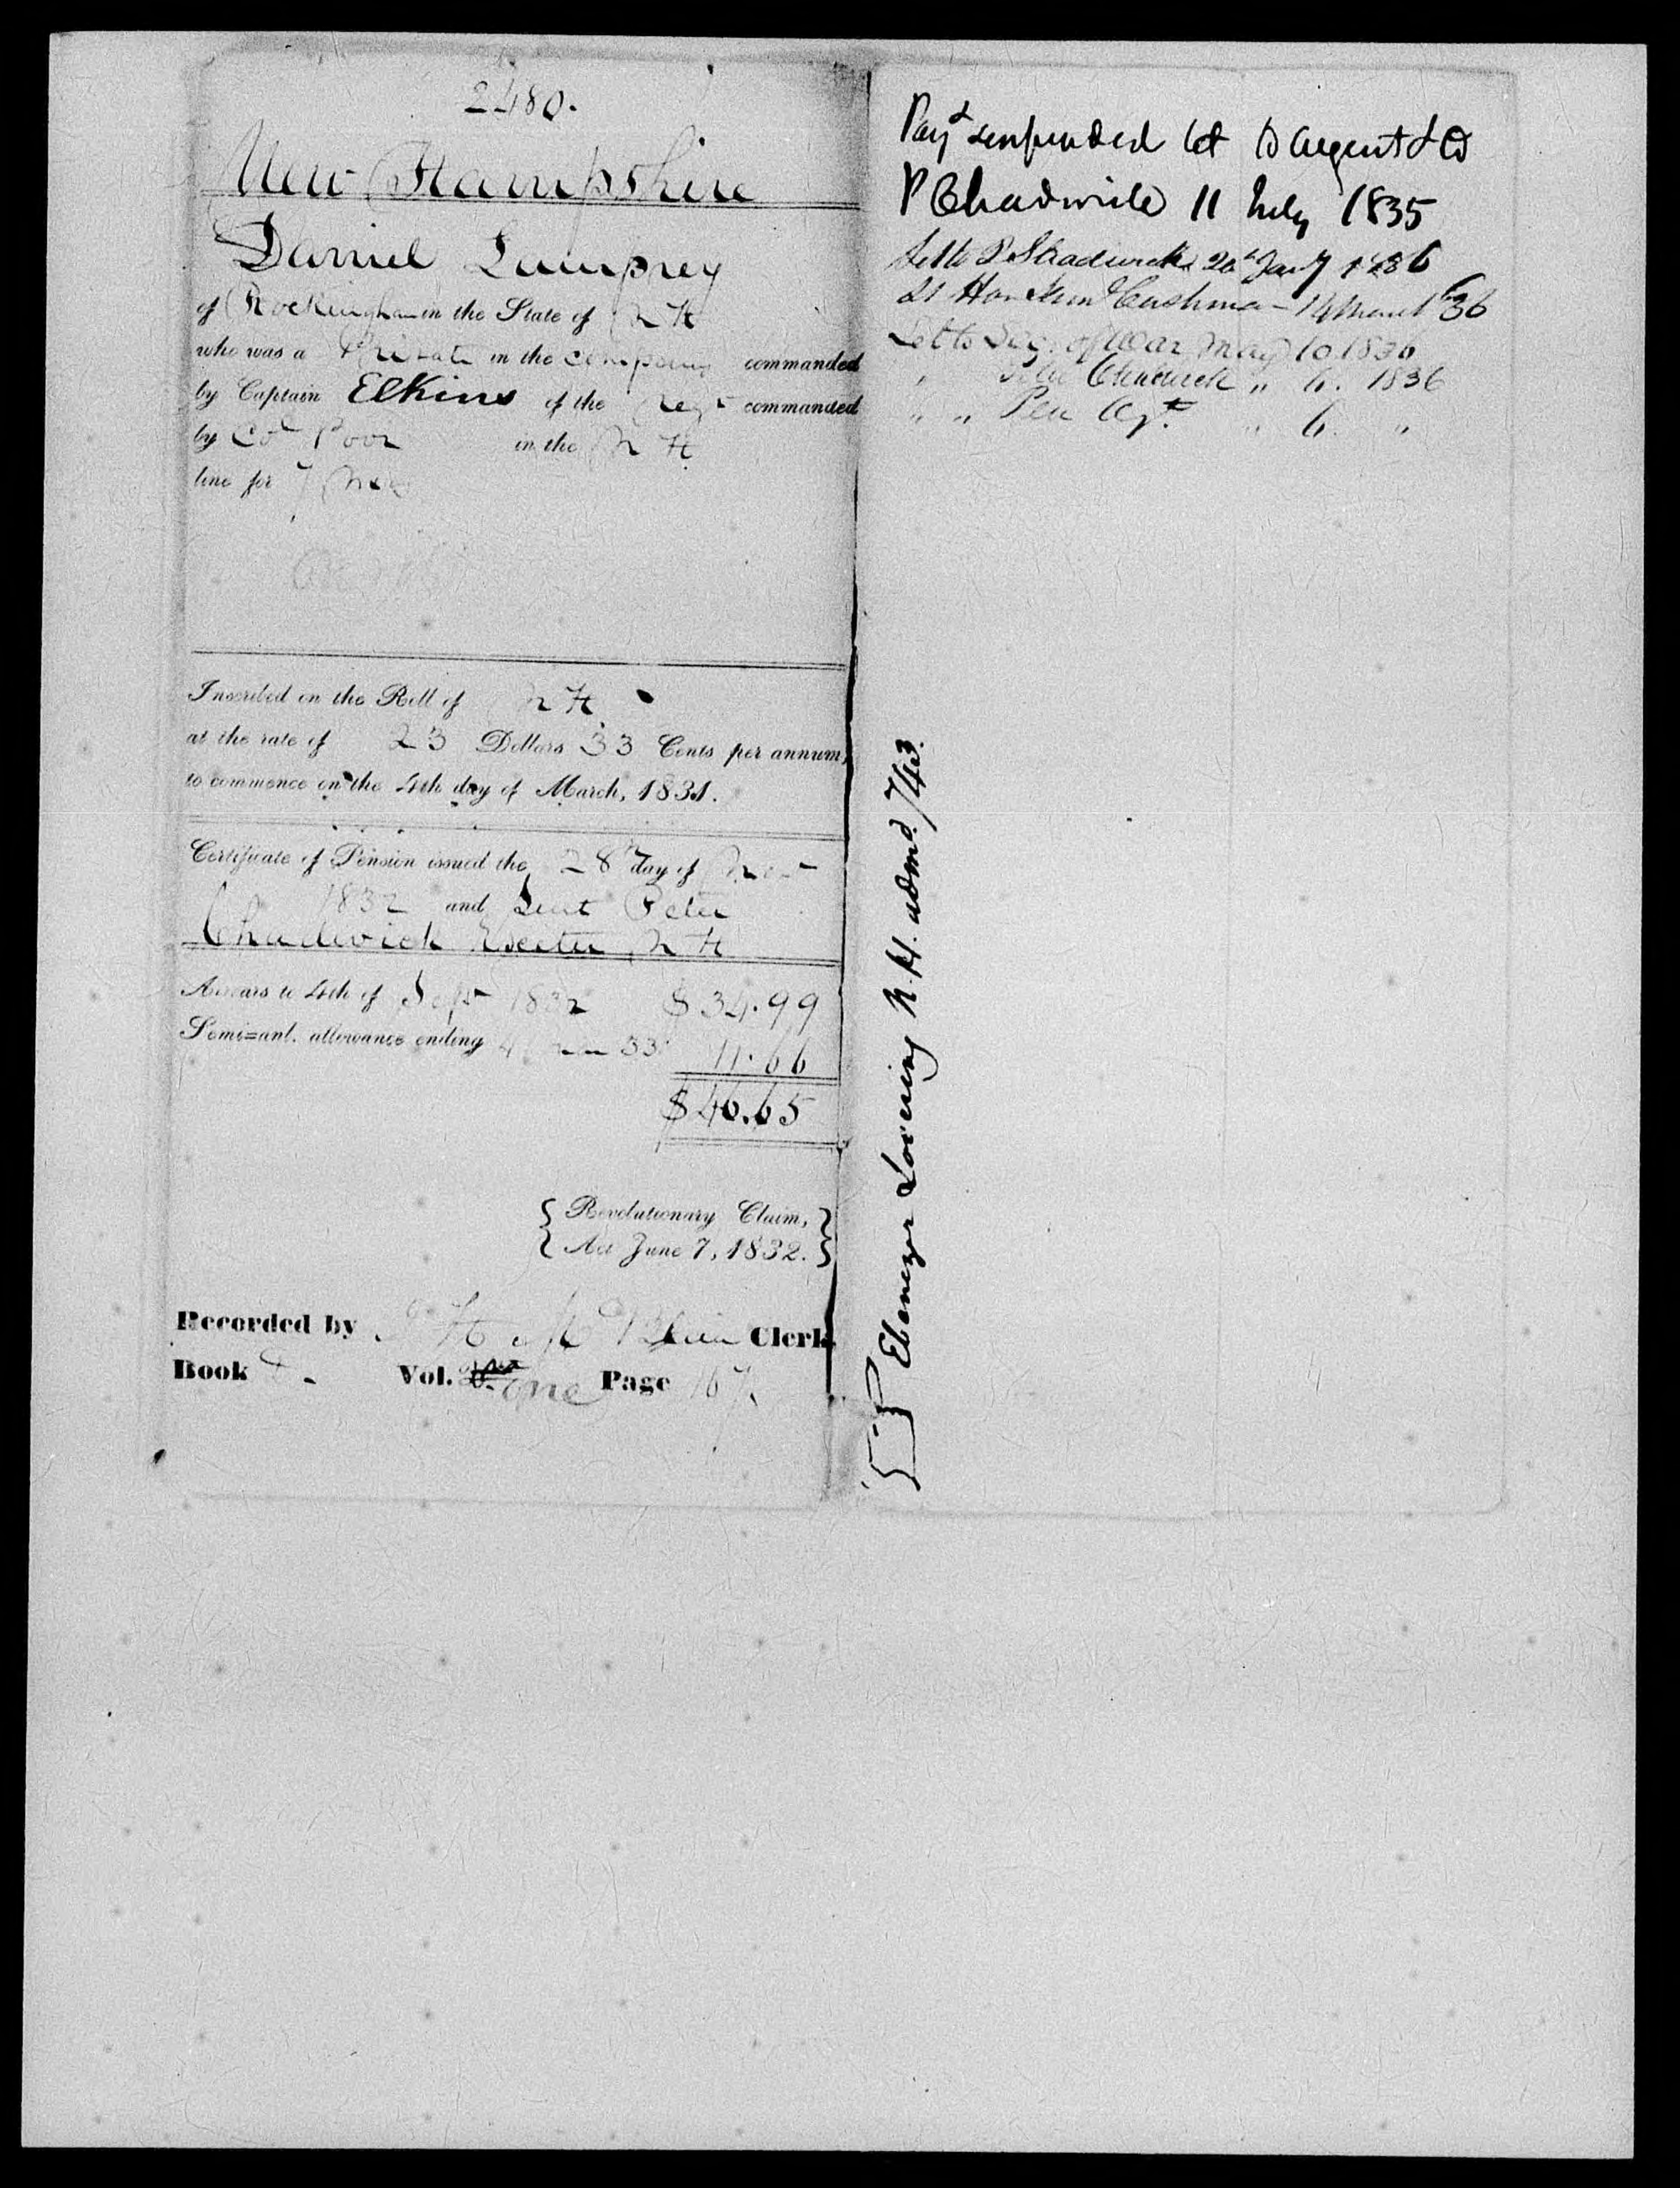2480.
New Hampshire
Daniel Lamprey of Rockingham in the State of NH who was a Private in the company commanded by Captain Elkins of the Regt [REGIMENT] commanded by Col Poor in the NH line for 7 mos [MONTHS]
Inscribed on the Roll of NH at the rate of 23 Dollars 33 Cents per annum, to commence on the 4th day of March 1831.
Certificate of Pension issued the 28th day of Nov 1832 and sent Peter Chadwick Exeter, NH
Arrears to 4th Sept 1832 $34.99
Semi=anl. [ANNUAL] allowance ending 4 [illegible] [18]33 11.66
_______
$46.65
{Revolutionary Claim, Act June 7, 1832.}
Recorded by J H Mc Blair Clerk. Book D. Vol. one Page 167.

[right side] Payt [PAYMENT] suspended let [LETTER] to Agent & to P Chadwick 11 July 1835
Let [LETTER] to P S Chadwick 20th Jany [JANUARY] 1886
Let Haskin Cashman 14 March 18[36]
Let to Sec. of war May 10 1836
Let to Peter Chadwick May 6 1836
Let to Pen Agt. May 6 1836
[Sideways] Ebenezer Lovering N.H. admd.  [ADMITTED] 7/18]43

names: Ebenezer Loening; Daniel Lamprey; [BLANK] Poor; J H Mc Blair; Peter Chadwick; [BLANK] Elkins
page: 3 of 53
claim: widow's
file: W. 492, for Daniel Lamprey, New Hampshire